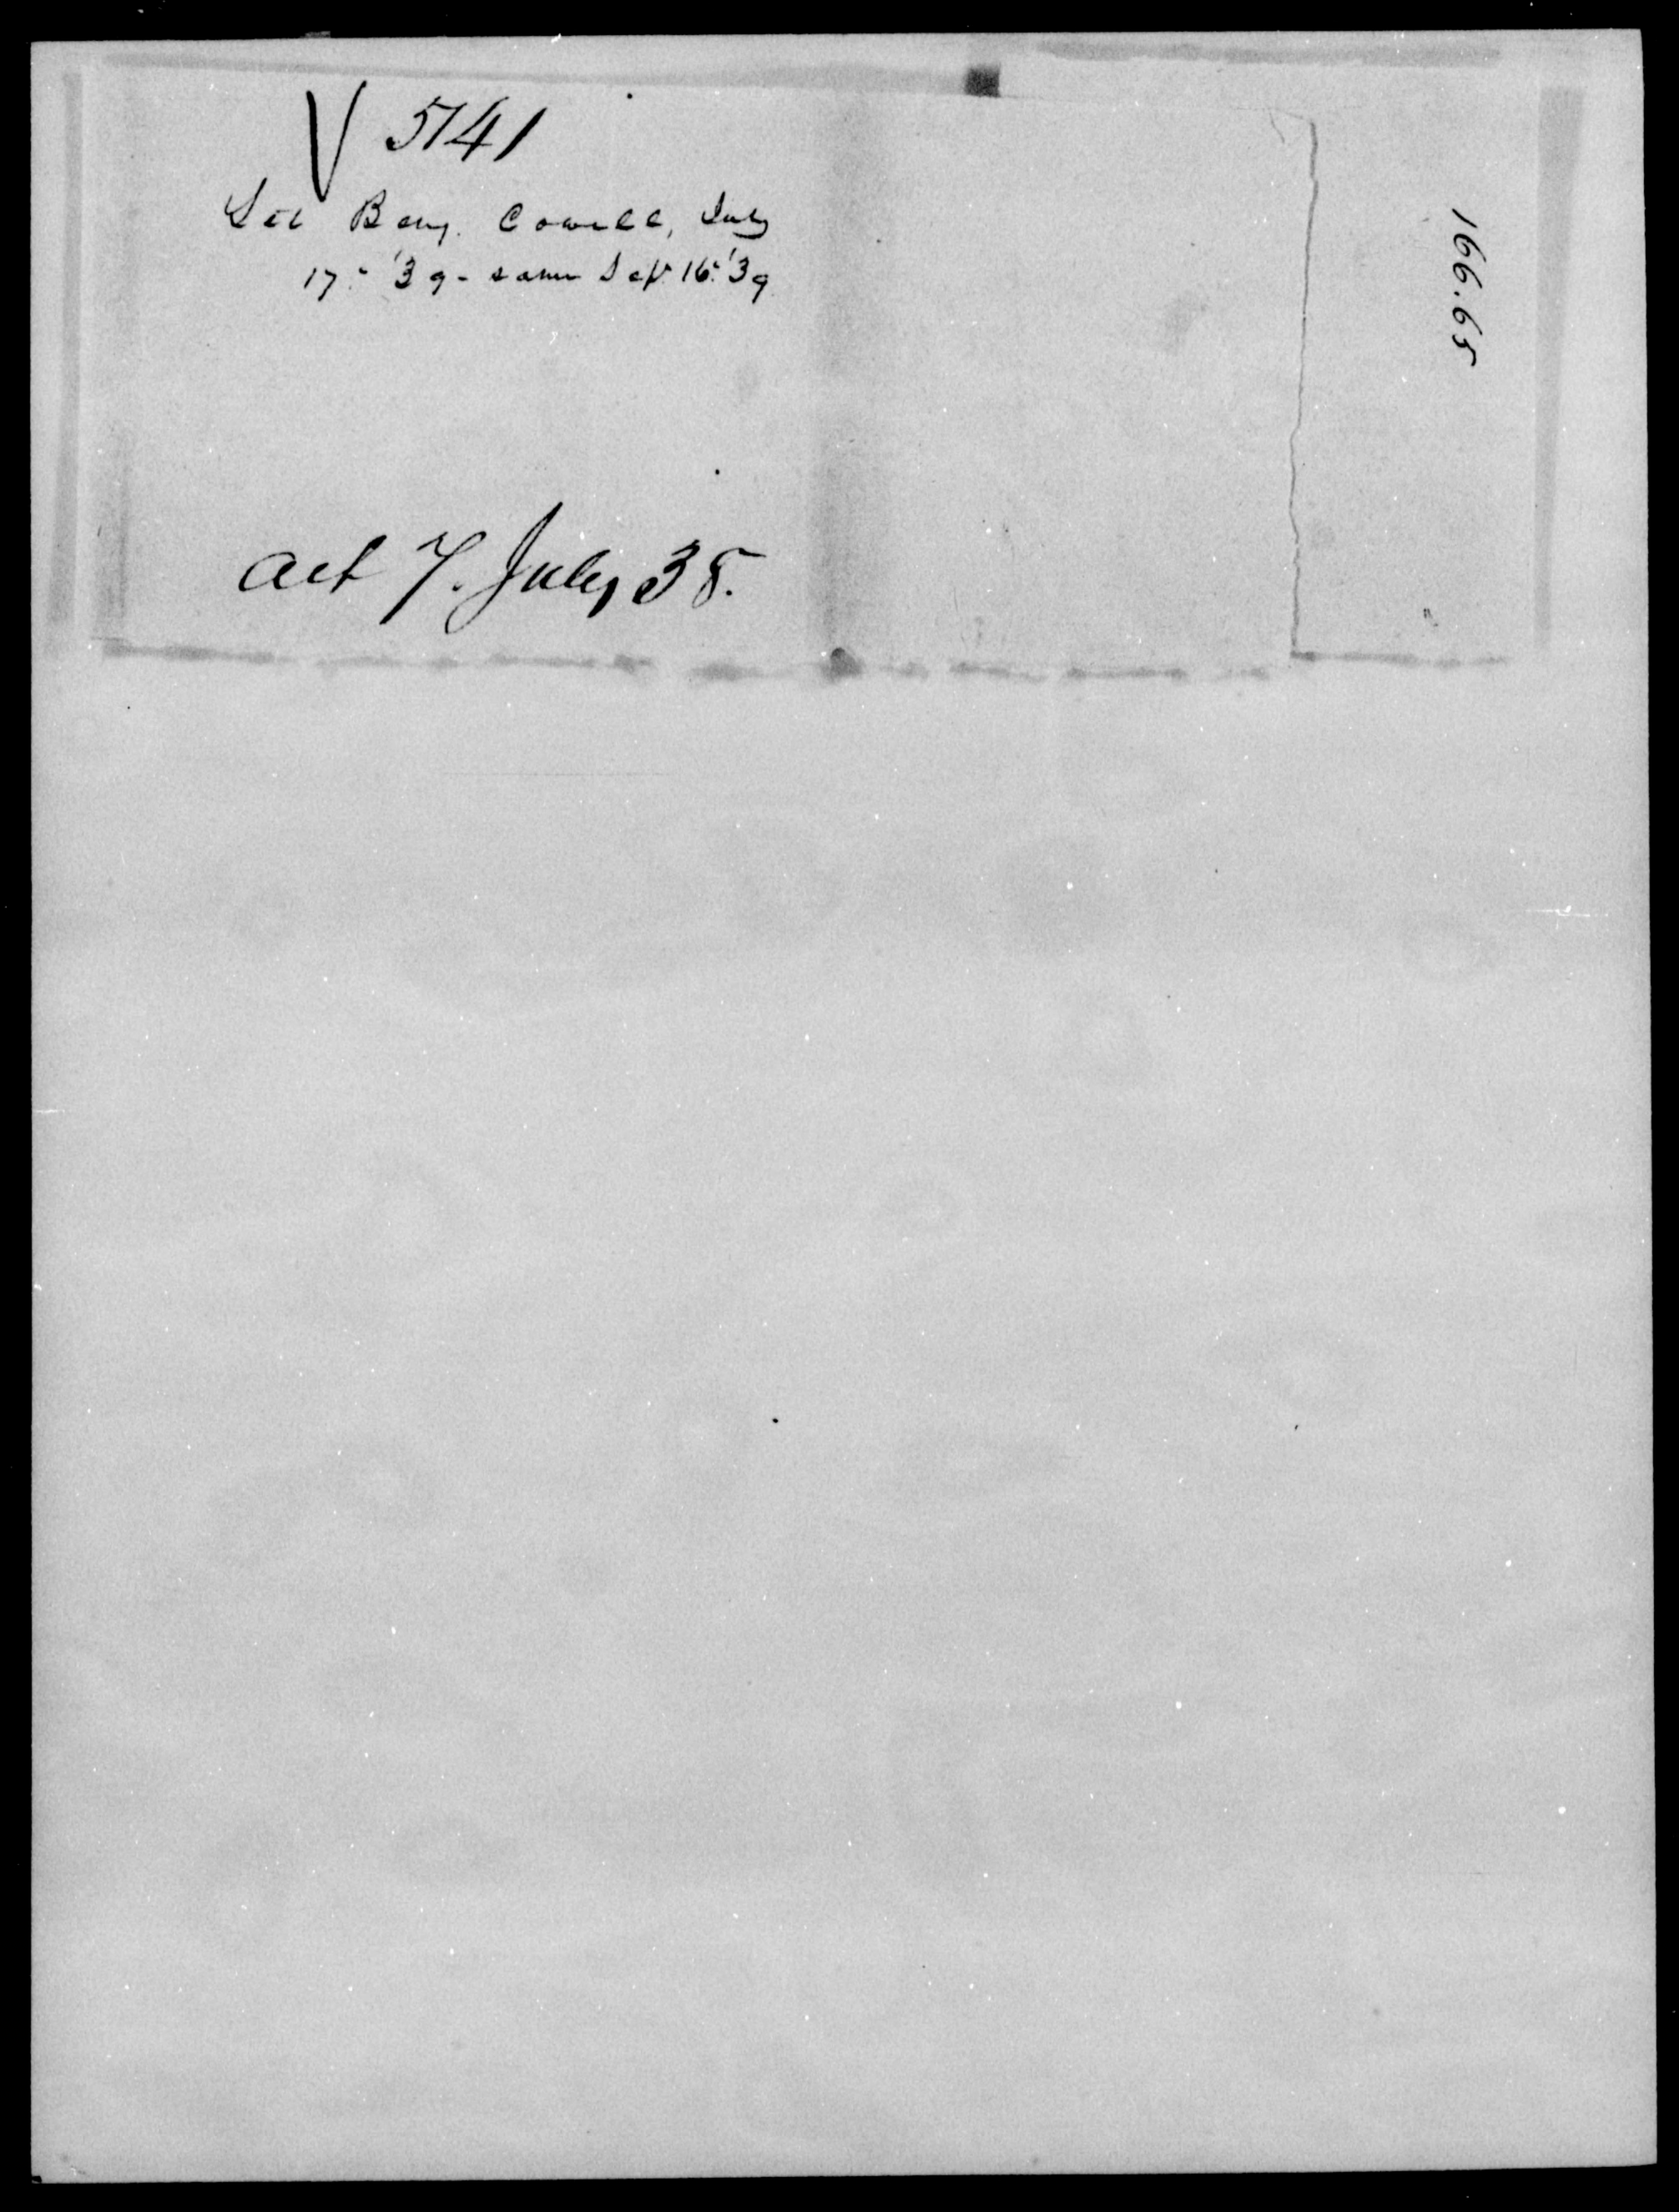V 5741
Sel Benj Cowell, July
17 - '39 - same Sep 16 - '39

act 7 July 38

166.65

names: Benj Cowell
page: 39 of 50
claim: widow's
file: W. 22058, for Benjamin Rhodes, Rhode Island